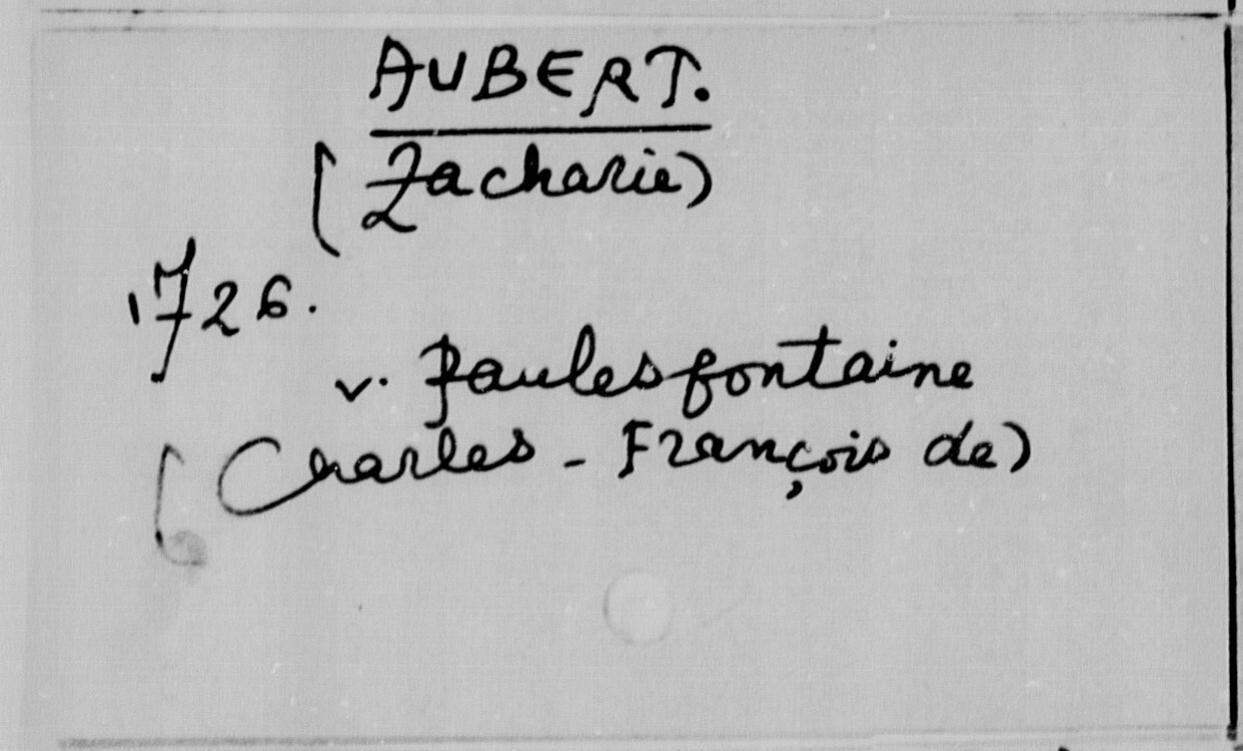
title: AUBERT (Zacharie)
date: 1726
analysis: Voir Paulesfontaine (Charles-François de)
